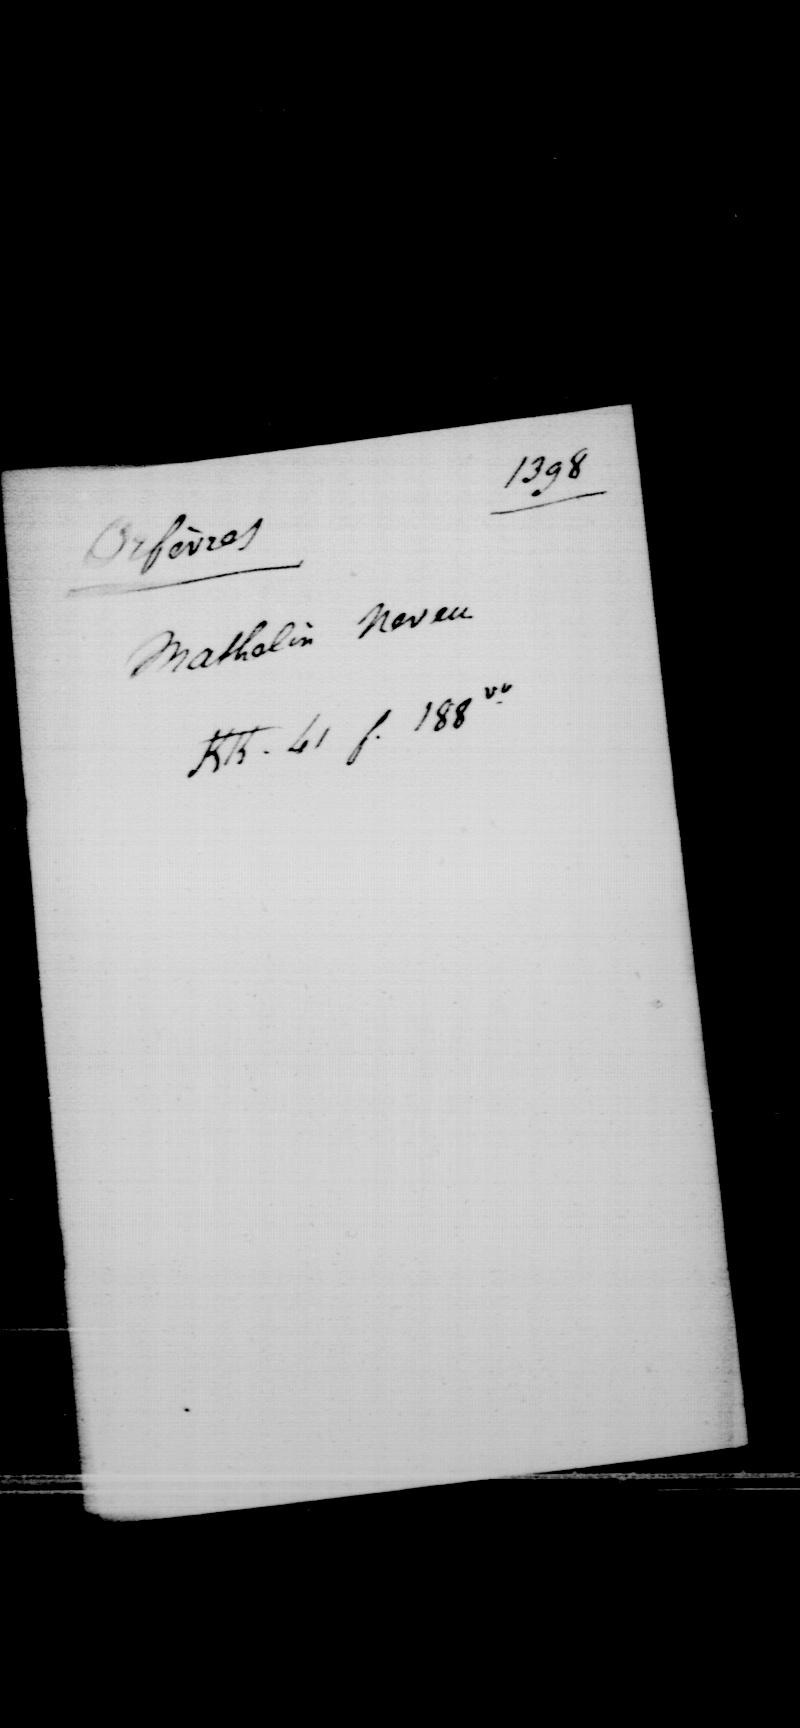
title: Orfèvres
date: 1398
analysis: Mathelin Neveu
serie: KK
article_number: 41
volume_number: fol. 188v
